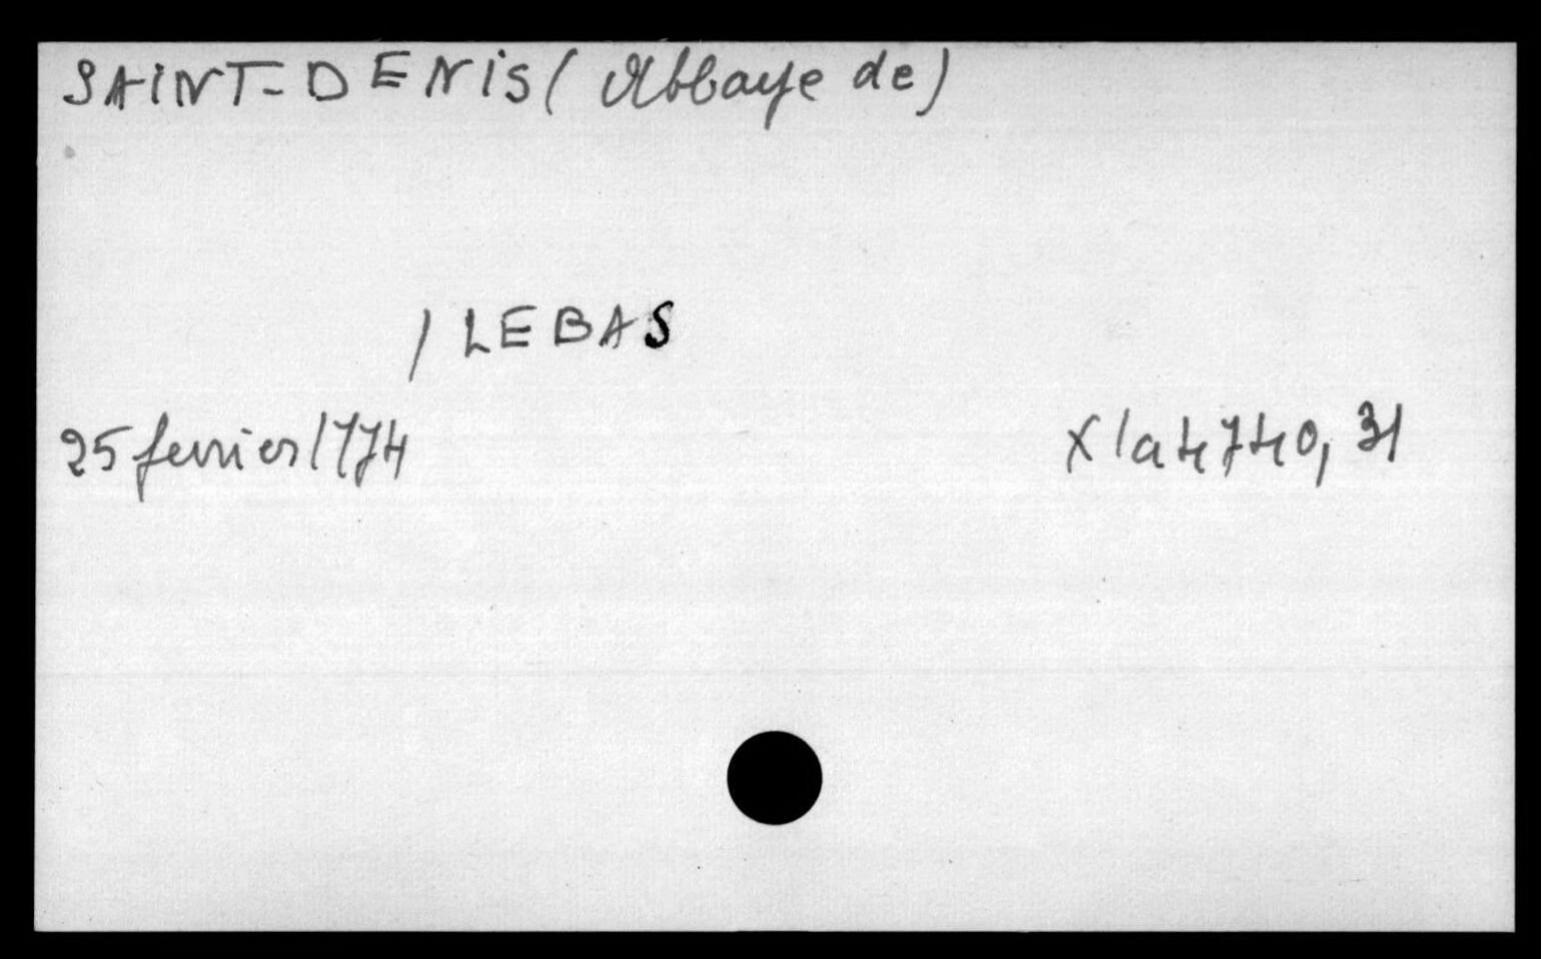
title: SAINT-DENIS (Abbaye de)
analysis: Contre LEBAS
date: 25 février 1774
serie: X1a
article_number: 4740
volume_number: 31
